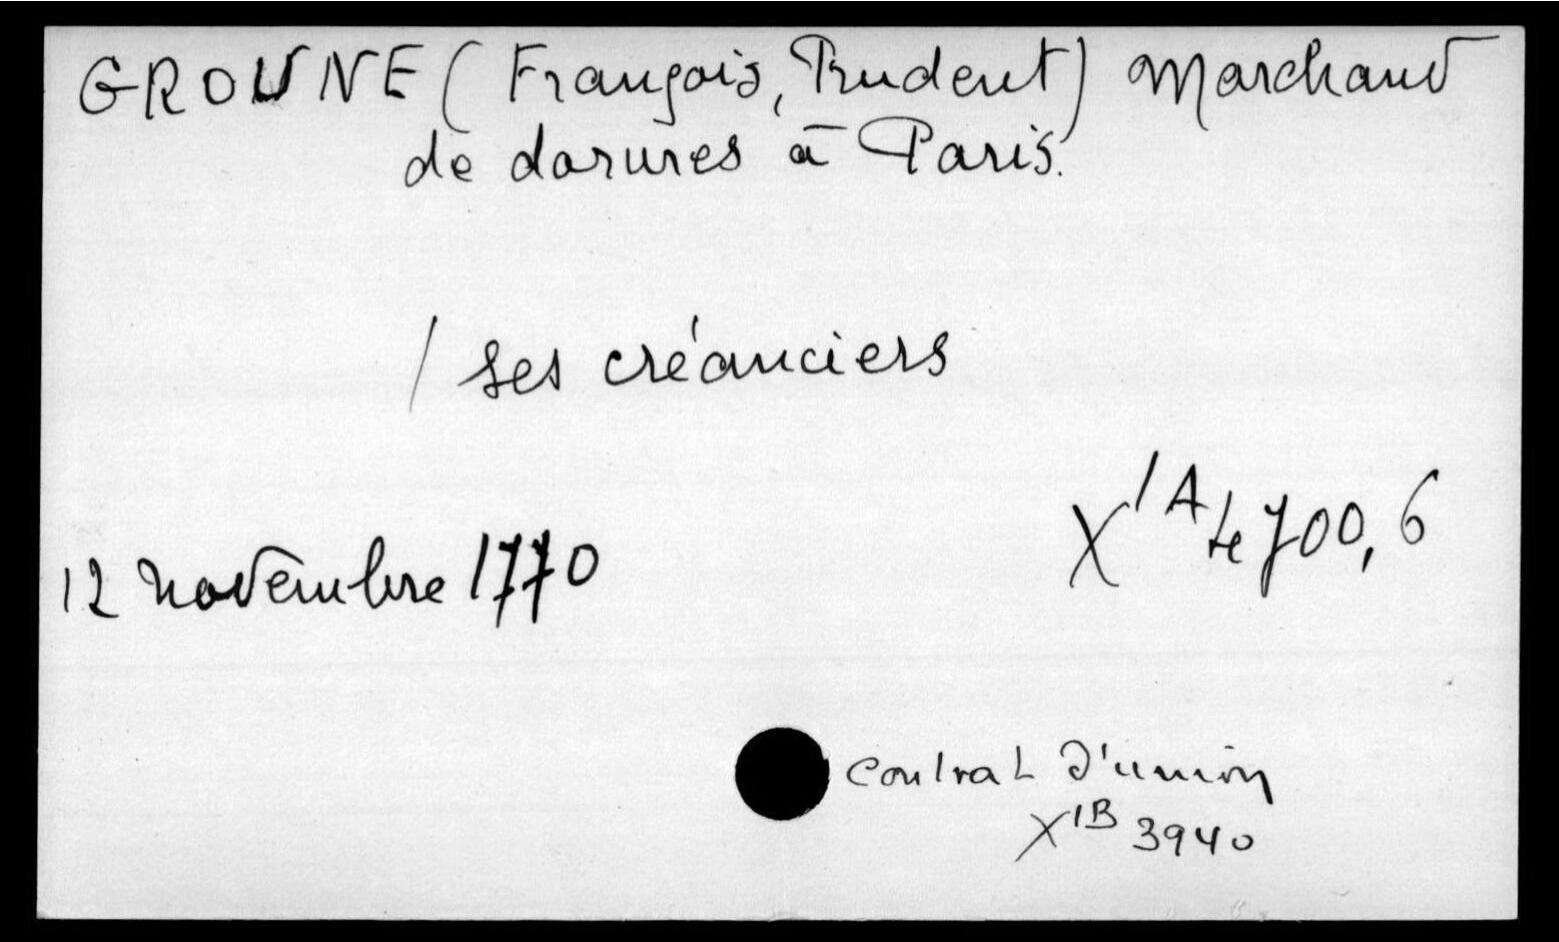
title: GROUNE (François, Prudent), marchand de dorures à Paris.
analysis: Contre ses créanciers Contrat d'union (X1b 3940)
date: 12 novembre 1770
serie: X1A
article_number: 4700
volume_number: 6
